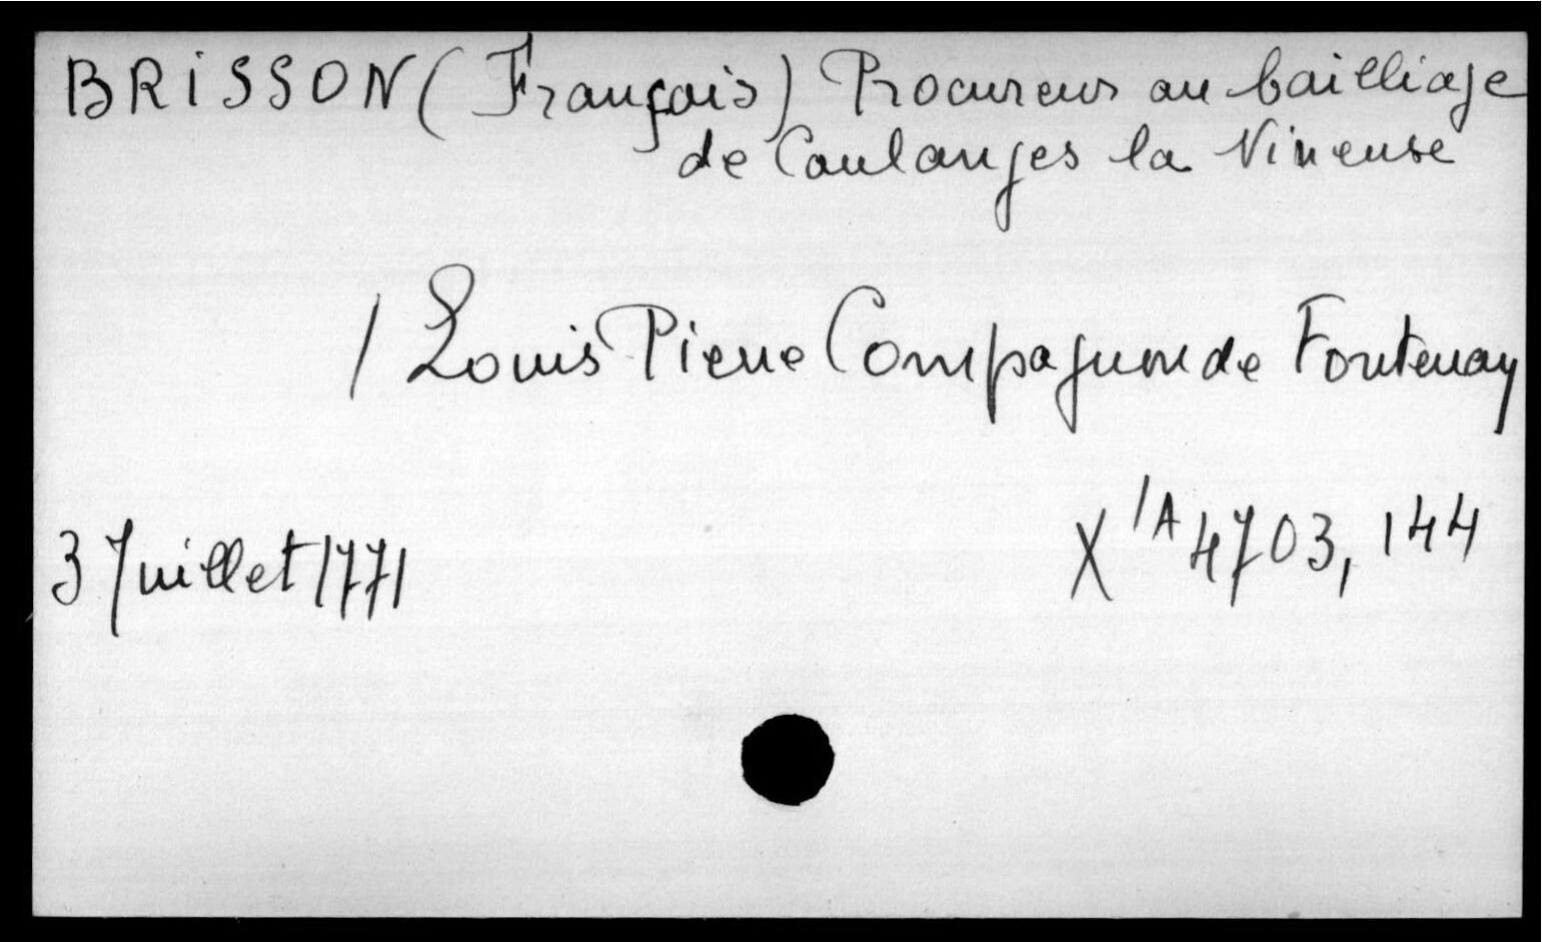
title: BRISSON (François) Procureur au bailliage de Coulanges la Vineuse
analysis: Contre Louis Pierre Compagnon de Fontenay
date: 3 juillet 1771
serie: X1A
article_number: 4703
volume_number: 144
